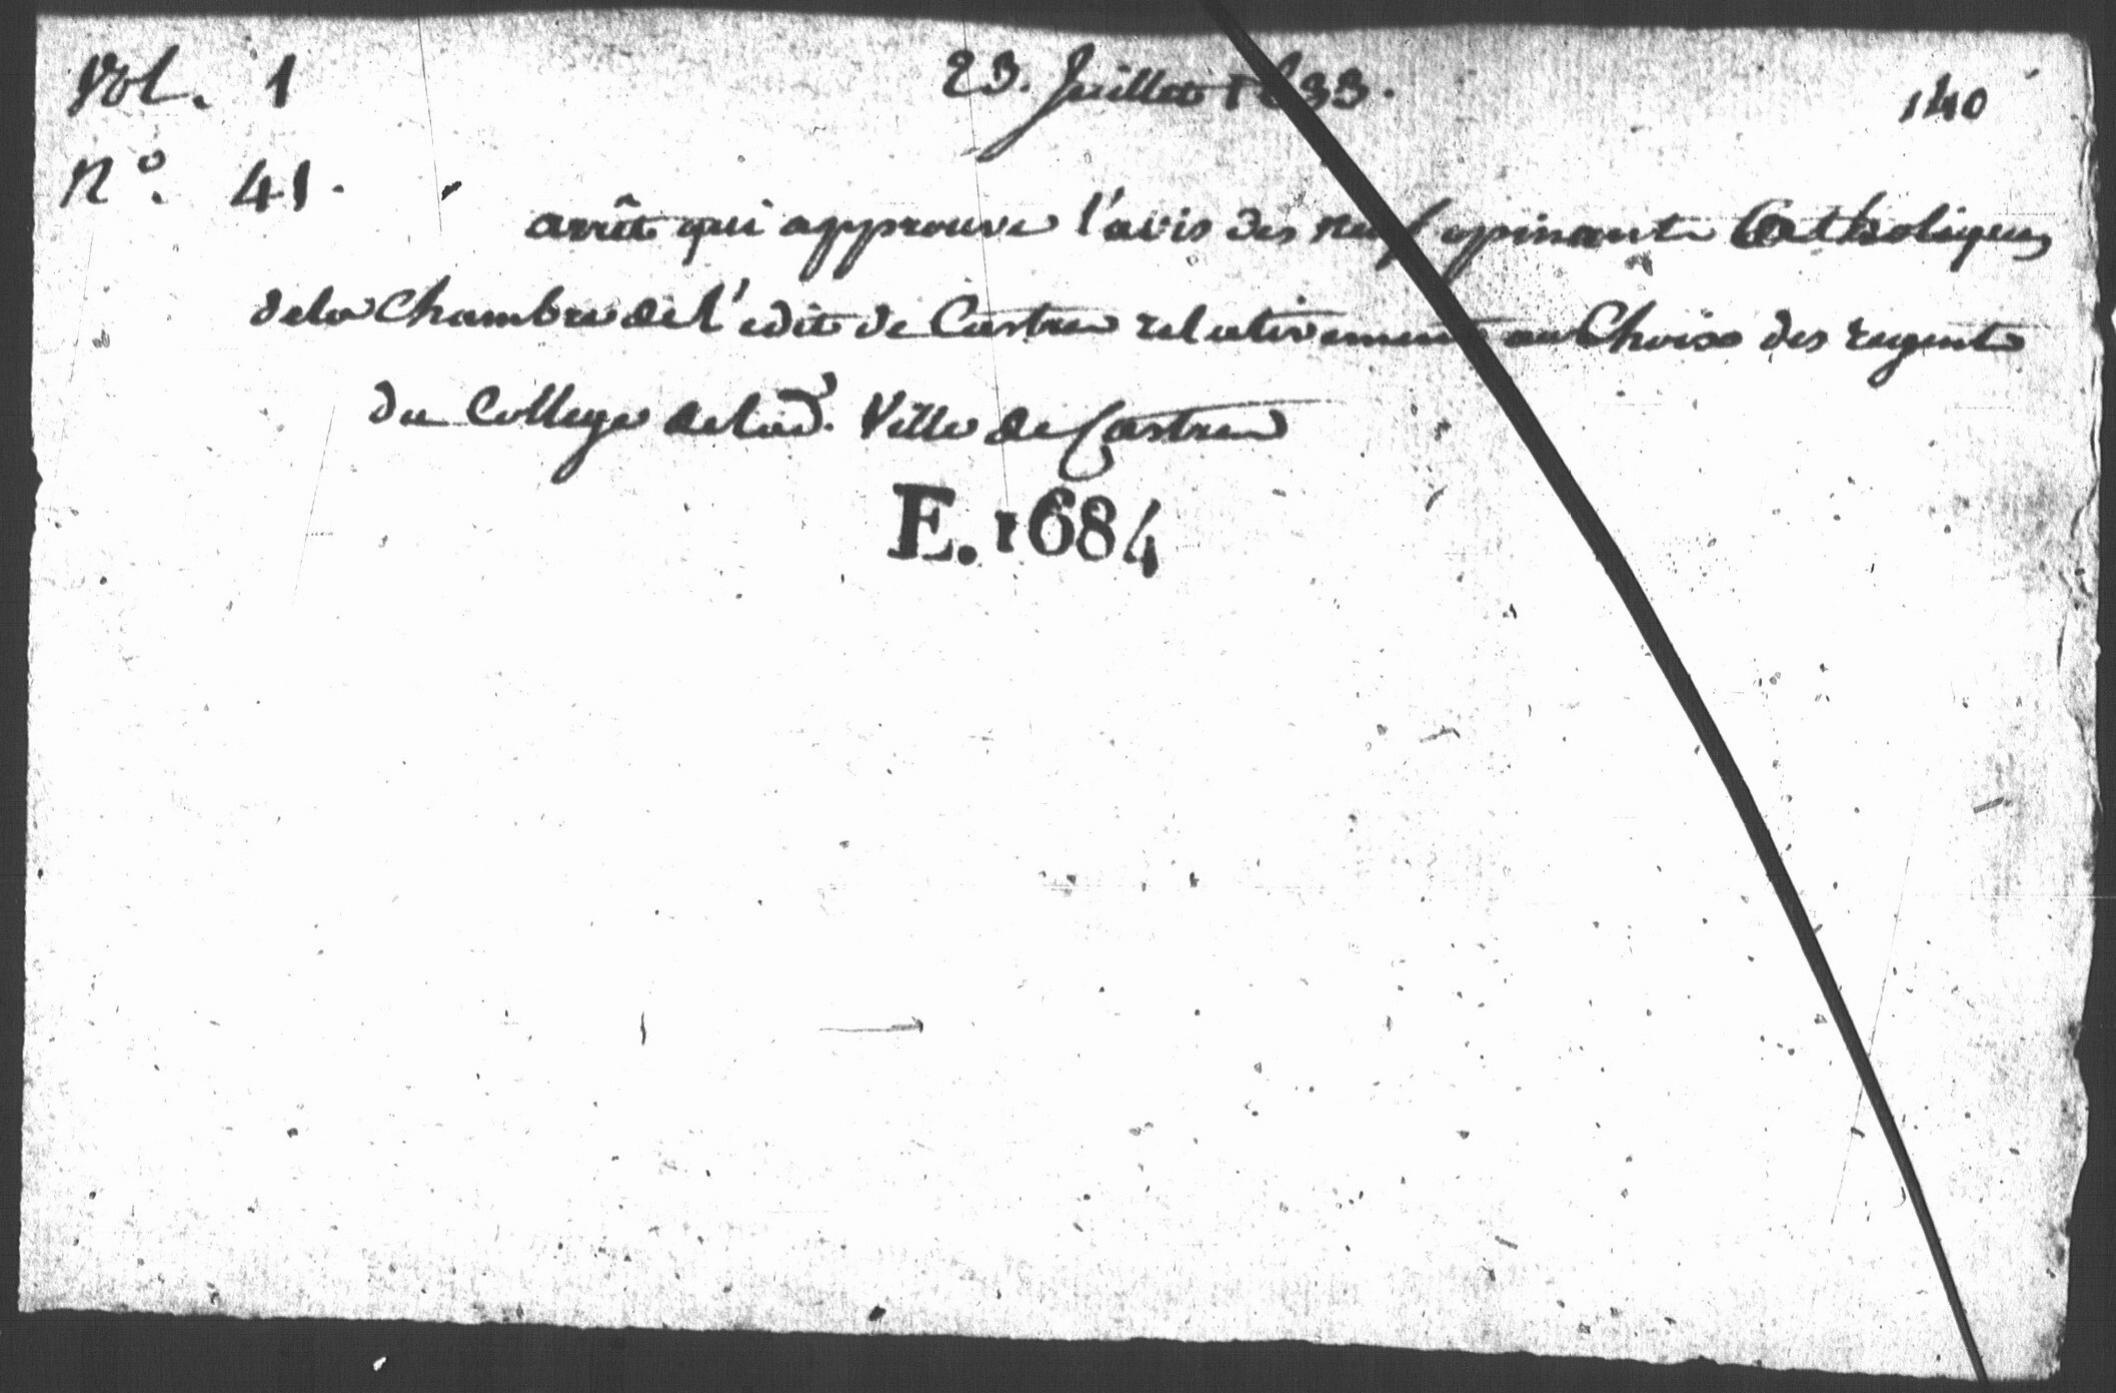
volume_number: n°41
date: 23 juillet 1633
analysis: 140
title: arrêt qui approuve l'avis des neuf opinants catholiques de la chambre de l'edit de Castres relativement au choix des regents du college delad. Ville de Castres
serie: E
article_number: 1684
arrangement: vol. 1
